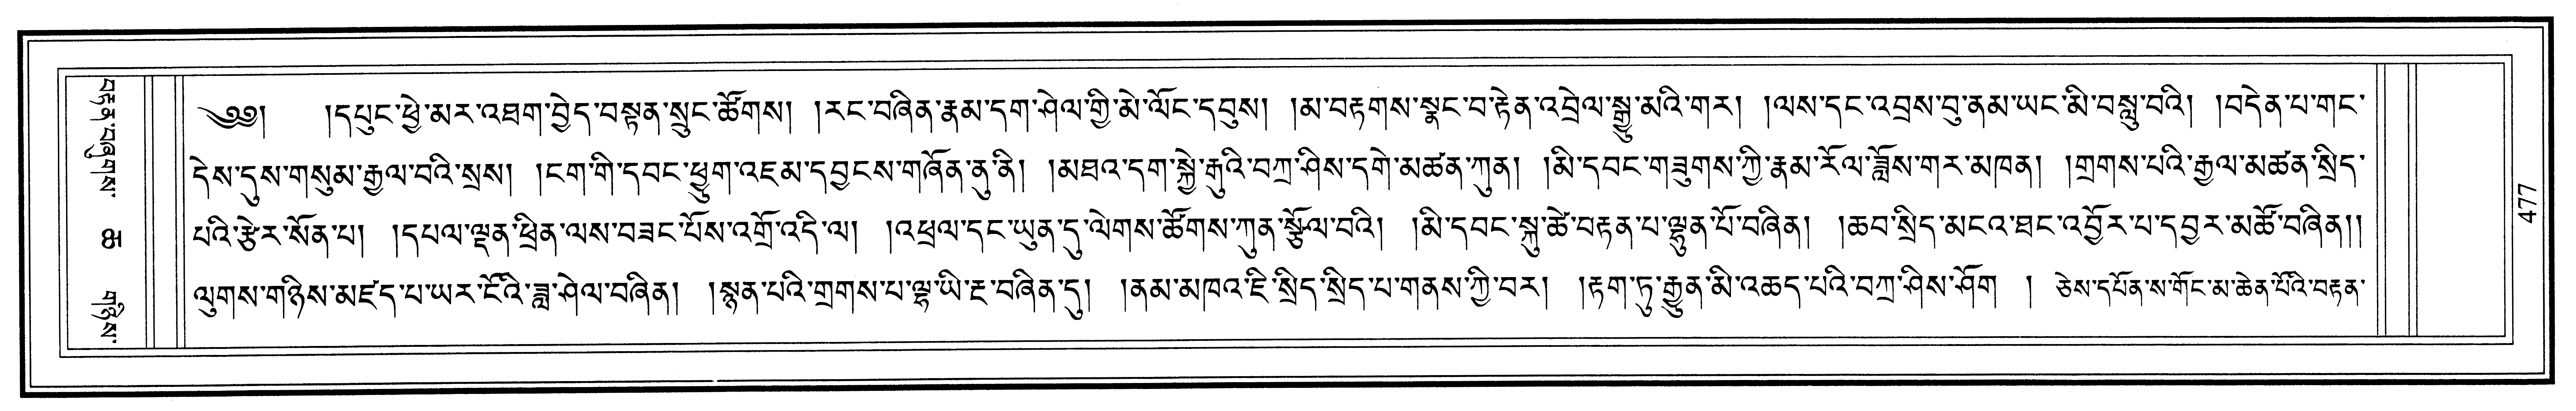༄༅། །དཔུང་ཕྱེ་མར་འཐག་བྱེད་བསྟན་སྲུང་ཚོགས། །རང་བཞིན་རྣམ་དག་ཤེལ་གྱི་མེ་ལོང་དབུས། །མ་བརྟགས་སྣང་བ་རྟེན་འབྲེལ་སྒྱུ་མའི་གར། །ལས་དང་འབྲས་བུ་ནམ་ཡང་མི་བསླུ་བའི། །བདེན་པ་གང་
དེས་དུས་གསུམ་རྒྱལ་བའི་སྲས། །ངག་གི་དབང་ཕྱུག་འཇམ་དབྱངས་གཞོན་ནུ་ནི། །མཐའ་དག་སྐྱེ་རྒུའི་བཀྲ་ཤིས་དགེ་མཚན་ཀུན། །མི་དབང་གཟུགས་ཀྱི་རྣམ་རོལ་ཟློས་གར་མཁན། །གྲགས་པའི་རྒྱལ་མཚན་སྲིད་
པའི་རྩེར་སོན་པ། །དཔལ་ལྡན་ཕྲིན་ལས་བཟང་པོས་འགྲོ་འདི་ལ། །འཕྲལ་དང་ཡུན་དུ་ལེགས་ཚོགས་ཀུན་སྩོལ་བའི། །མི་དབང་སྐུ་ཚེ་བརྟན་པ་ལྷུན་པོ་བཞིན། །ཆབ་སྲིད་མངའ་ཐང་འབྱོར་པ་དབྱར་མཚོ་བཞིན།།
ལུགས་གཉིས་མཛད་པ་ཡར་ངོའི་ཟླ་ཤེལ་བཞིན། །སྙན་པའི་གྲགས་པ་ལྷ་ཡི་རྔ་བཞིན་དུ། །ནམ་མཁའ་ཇི་སྲིད་སྲིད་པ་གནས་ཀྱི་བར། །རྟག་ཏུ་རྒྱུན་མི་འཆད་པའི་བཀྲ་ཤིས་ཤོག །ཅེས་དཔོན་ས་གོང་མ་ཆེན་པོའི་བརྟན་